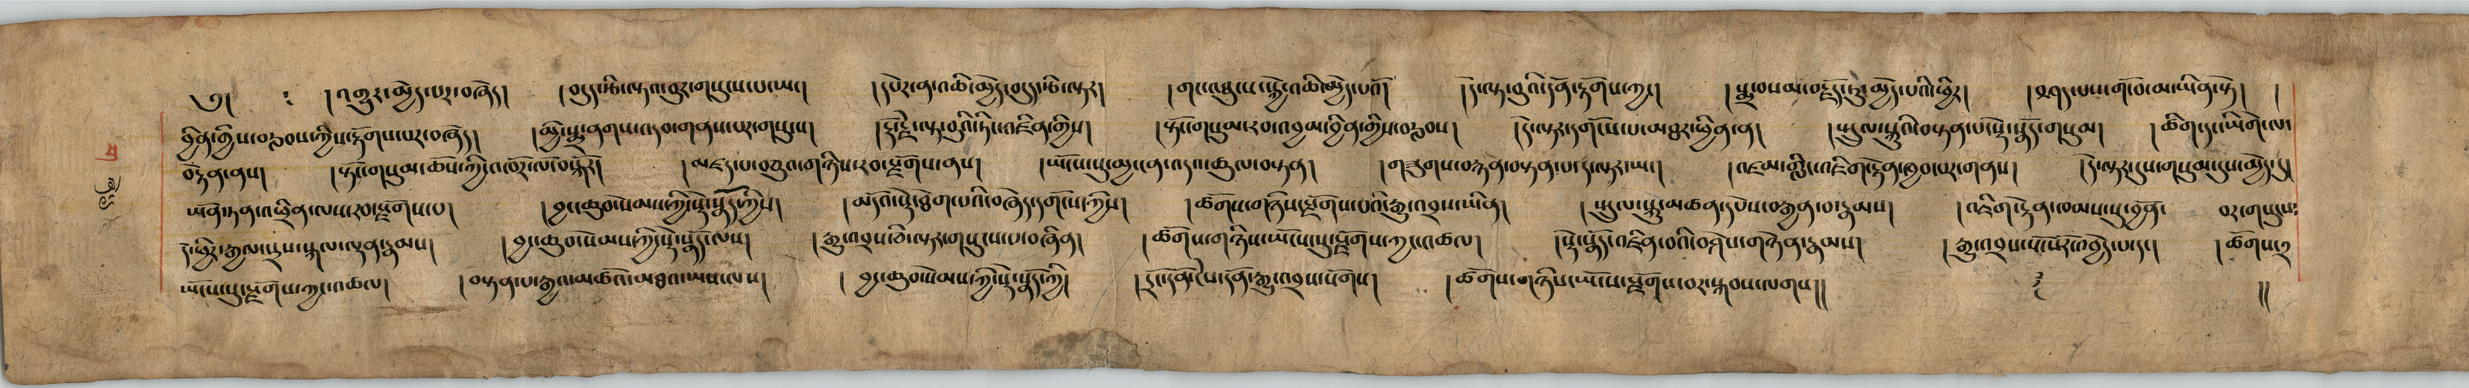༅། །འགྱུར་མྱེད་པར་བཞེད། །བདུད་རྩི་ལྟའ་བུར་གསུངས་པ་ཡང། །དཔེར་ན་འཆི་མྱེད་བདུད་རྩི་ལྟར། །གང་འཐུངས་སྐྱེ་འཆི་མྱེད་པའོ། །དེ་ལྟ་བུའི་དོན་རྟོགས་ཀྱང། །སྨྲ་བསམ་བརྗོད་ཏུ་མྱེད་པའི་ཕྱིར། །བཤད་པས་གོ་བ་མ་ཡིན་སྟེ།
བྱིན་གྱིས་བརླབས་ཀྱིས་རྟོགས་པར་བཞེད། །མྱི་སྨྲ་ནགས་འདབ་གནས་པར་གསུངས། །རྡོ་རྗེ་ལྟ་བུའི་ཏིང་འཛིན་གྱིས། །སྟོང་གསུམ་རབ་འབྱམ་བྱིན་གྱིས་བརླབས། །དེ་ལྟར་དགོངས་པ་མཐར་ཕྱིན་ན། །སྤྲུལ་སྐུའི་བསྟན་པ་སྡེ་སྣོད་གསུམ། །ཚིག་དང་ཡི་གེ་ལ་
བརྟེན་ནས། །སྟོང་གསུམ་ཆོས་ཀྱི་འཁོར་ལོ་བསྐོར། །མཛད་པ་བཅུའ་གཉིས་རབ་སྫོགས་ནས། །ཡོངས་སུ་མྱ་ངན་འདའ་ཚུལ་བསྟན། །གཟུགས་བརྙན་བསྟན་པ་ད་ལྟར་ཡང། །འཛམ་གླིང་འཇིག་རྟེན་ཁྱབ་པར་གནས། །དེ་ལྟར་དུས་གསུམ་དུས་མྱེད་དུ།
ཡོན་ཏན་འཕྲིན་ལས་རབ་སྫོགས་པ། །བྱང་ཆུབ་སེམས་ཀྱི་སྡེ་སྣོད་ཀྱིས། །མདོའ་སྡེ་ཐེག་པའི་བཞེད་དགོངས་ཀྱིས། །ཚོགས་གཉིས་སྫོགས་པའི་རྒྱུ་འབྲས་ཡིན། །སྤྲུལ་སྐུ་མཚན་དཔེས་བརྒྱན་པ་རྣམས། །འཇིག་རྟེན་ཁམས་སུ་བྱོན་ བར་གསུངས་
དེ་ཕྱིར་རྒྱལ་སྲས་སྐལ་ལྡན་རྣམས། །བྱང་ཆུབ་སེམས་ཀྱི་སྡེ་སྣོད་ལས། །རྒྱུ་འབྲས་ཅི་ལྟར་གསུངས་པ་བཞིན། །ཚོགས་གཉིས་ཡོངས་སུ་སྫོགས་ཀྱང་འཚལ། །སྡེ་སྣོད་འཛིན་བའི་བཤེས་གཉེན་རྣམས། །རྒྱུ་འབྲས་སོ་སོར་འབྱེད་པ་དང། །ཚོགས་༢
ཡོངས་སུ་སྫོགས་ཀྱང་འཚལ། །བསྟན་པ་རྒྱའ་མཚོའ་མཐའ་ཡས་ལས། ། བྱང་ཆུབ་སེམས་ཀྱི་སྡེ་སྣོད་ཀྱི། །དྲང་དོན་ངེས་དོན་རྒྱུ་འབྲས་སོགས། །ཚོགས་གཉིས་ཡོངས་སྫོགས་བར་སྐབས་ལགས།།